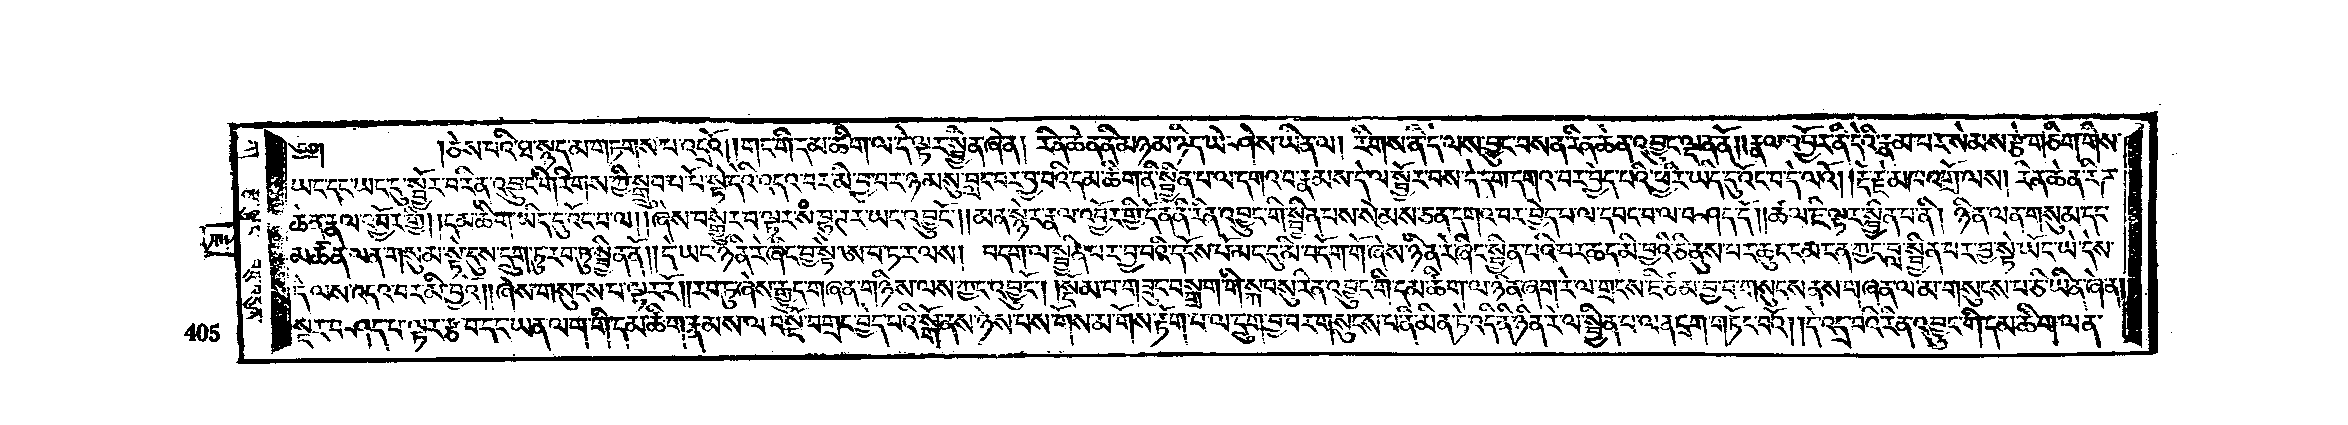༄༅། །ཅེས་པའི་ཐ་སྙད་མ་གཏགས་པ་འདྲའོ། །གང་གི་དམ་ཚིག་ལ་དེ་ལྟར་སྦྱིན་ཞེ་ན། རིན་ཆེན་ནི་མཉམ་ཉིད་ཡེ་ཤེས་ཡིན་ལ། རིགས་ནི་དེ་ལས་བྱུང་བས་ན་རིན་ཆེན་འབྱུང་ལྡན་ནོ། །རྣལ་འབྱོར་ནི་དེའི་རྣམ་པར་སེམས་རྩེ་གཅིག་གིས་
ཡང་དང་ཡང་དུ་སྦྱོར་བ་རིན་འབྱུང་གི་རིགས་ཀྱི་སྒྲུབ་པ་པོ་སྟེ་དེའི་འདའ་བར་མི་བྱ་བར་ཉམས་སུ་བླང་བར་བྱ་བའི་དམ་ཚིག་ནི་སྦྱིན་པ་ལ་དགའ་བ་རྣམས་དེ་ལ་སྦྱོར་བས་དེ་དག་དགའ་བར་བྱེད་པའི་ཕྱིར་ཡིད་དུ་འོང་བ་དེ་ལའོ། །རྡོ་རྗེ་མཁའ་འགྲོ་ལས། རིན་ཆེན་རིགས་
ཆེན་རྣལ་འབྱོར་གྱི། །དམ་ཚིག་ཡིད་དུ་འོང་བ་ལ། །ཞེས་བསྒྱུར་བ་ལྟར་སཾ་བྷུ་ཊར་ཡང་འབྱུང་ངོ། །མན་སྙེར་རྣལ་འབྱོར་གྱི་དོན་ནི་རིན་འབྱུང་གི་སྦྱིན་པས་སེམས་ཅན་དགའ་བར་བྱེད་པ་ལ་དབང་བ་ལ་བཤད་དོ། །ཚལ་ཇི་ལྟར་སྦྱིན་པ་ནི། ཉིན་ལན་གསུམ་དང་
མཚན་ལན་གསུམ་སྟེ་དུས་དྲུག་ཏུ་རབ་ཏུ་སྦྱིན་ནོ། །དེ་ཡང་ཉིན་རེ་ཞིང་བྱ་སྟེ་ཨ་བ་ཏ་ར་ལས། བདག་ལ་སྦྱིན་པར་བྱ་བའི་དངོས་པོ་མང་དུ་མི་བདོག་གོ་ཞེས་ཉིན་རེ་ཞིང་སྦྱིན་པའི་བར་ཆད་མི་བྱའི་ཅི་ནུས་པར་ཆུང་ངམ་ངན་ཀྱང་བླ་སྦྱིན་པར་བྱ་སྟེ་ཡོང་ཡེ་དེས་
དེ་ལས་འདའ་བར་མི་བྱའོ། །ཞེས་གསུངས་པ་ལྟར་རོ། །རབ་ཏུ་ཞེས་རྒྱུད་གཞན་གཉིས་ལས་ཀྱང་འབྱུང་ངོ། །སྡོམ་པ་གཟུང་བསྒྲག་གི་སྐབས་སུ་རིན་འབྱུང་གི་དམ་ཚིག་ལ་ཉིན་ཞག་རེ་ལ་གྲངས་ཇི་ཙམ་བྱ་བ་གསུངས་ནས་གཞན་ལ་མ་གསུངས་པ་ཅི་ཡིན་ཞེ་ན་
སྔར་བཤད་པ་ལྟར་རྩ་བ་དང་ཡན་ལག་གི་དམ་ཚིག་རྣམས་ལ་བསྔོ་བགྲང་བྱེད་པའི་སྒོ་ནས་ཉེས་པས་གོས་མ་གོས་རྟོག་པ་ལ་དྲུག་བྱ་བར་གསུངས་པ་ནི་མིན་ཏེ་འདི་ནི་ཉིན་རེ་ལ་སྦྱིན་པ་ལན་དྲག་གཏོང་བའོ། །དེ་འདྲ་བའི་རིན་འབྱུང་གི་དམ་ཚིག་ལན་